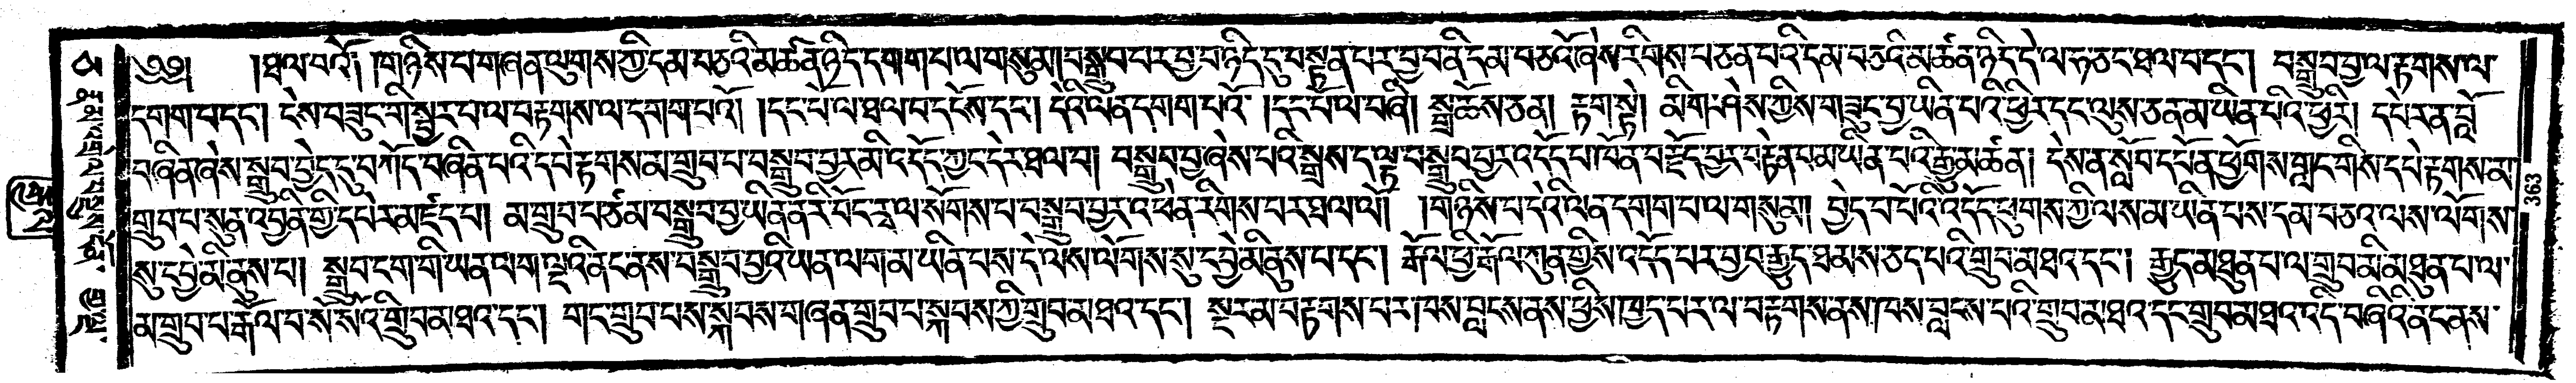༄༅། །ཐལ་བའོ། །གཉིས་པ་གཞན་ལུགས་ཀྱི་དམ་བཅའི་མཚན་ཉིད་དགག་པ་ལ་གསུམ། བསྒྲུབ་པར་བྱ་བ་ཉིད་དུ་བསྟན་པར་བྱ་བ་ནི་དམ་བཅའོ་ཞེས་རིགས་པ་ཅན་པའི་དམ་བཅའི་མཚན་ཉིད་དེ་ལ་ཧ་ཅང་ཐལ་བ་དང་། བསྒྲུབ་བྱ་ལ་རྟགས་ལ་
དགག་པ་དང་། ངེས་བཟུང་གི་སྦྱར་བ་ལ་བརྟགས་ལ་དགག་པའོ། །དང་པོ་ལ་ཐལ་བ་དངོས་དང་། དེའི་ལན་དགག་པའོ་།དང་པོ་ལ་བཞི། སྒྲ་ཆོས་ཅན། རྟག་སྟེ། མིག་ཤེས་ཀྱིས་གཟུང་བྱ་ཡིན་པའི་ཕྱིར་དང་ལུས་ཅན་མ་ཡིན་པའི་ཕྱིར། དཔེར་ན་བློ་
བཞིན་ཞེས་སྒྲུབ་བྱེད་དུ་བཀོད་བཞིན་པའི་དཔེ་རྟགས་མ་གྲུབ་པ་བསྒྲུབ་བྱར་མི་འདོད་ཀྱང་དེར་ཐལ་བ། བསྒྲུབ་བྱ་ཞེས་པའི་སྒྲས་ད་ལྟ་བསྒྲུབ་བྱར་འདོད་པ་ཁོ་ན་བརྗོད་བྱར་བརྟེན་པ་མ་ཡིན་པའི་རྒྱུ་མཚན། དེས་ན་སློབ་དཔོན་ཕྱོགས་གླང་གིས་དཔེ་རྟགས་མ་
གྲུབ་པ་སུན་འབྱིན་གྱི་དཔེར་མཛད་པ། མ་གྲུབ་པ་ཙམ་བསྒྲུབ་བྱ་ཡིན་ན་རི་བོང་རྭ་ལ་སོགས་པ་བསྒྲུབ་བྱར་འཕེན་རིགས་པར་ཐལ་ལོ། །གཉིས་པ་དེའི་ལན་དགག་པ་ལ་གསུམ། བྱེད་པ་པོའི་འདོད་ཕུགས་ཀྱི་ལས་མ་ཡིན་པས་དམ་བཅའ་ལས་ལོགས་
སུ་དབྱེ་མི་ནུས་པ། སྒྲུབ་ངག་གི་ཡན་ལག་ལྔའི་ནང་ནས་བསྒྲུབ་བྱའི་ཡན་ལག་མ་ཡིན་པས་དེ་ལས་ལོགས་སུ་དབྱེ་མི་ནུས་པ་དང་། རྒོལ་ཕྱི་རྒོལ་ཀུན་གྱིས་འདོད་པར་བྱ་བ་རྒྱུད་ཐམས་ཅད་པའི་གྲུབ་མཐའ་དང་། རྒྱུད་མཐུན་པ་ལ་གྲུབ་མི་མཐུན་པ་ལ་
མ་གྲུབ་པ་རྒོལ་བ་སོ་སོའི་གྲུབ་མཐའ་དང་། གང་གྲུབ་པས་སྐབས་གཞན་གྲུབ་པ་སྐབས་ཀྱི་གྲུབ་མཐའ་དང་། སྔར་མ་བརྟགས་པར་ཁས་བླངས་ནས་ཕྱིས་ཁྱད་པར་ལ་བརྟགས་ནས་ཁས་བླངས་པའི་གྲུབ་མཐའ་དང་གྲུབ་མཐའ་འདི་བཞིའི་ནང་ནས་